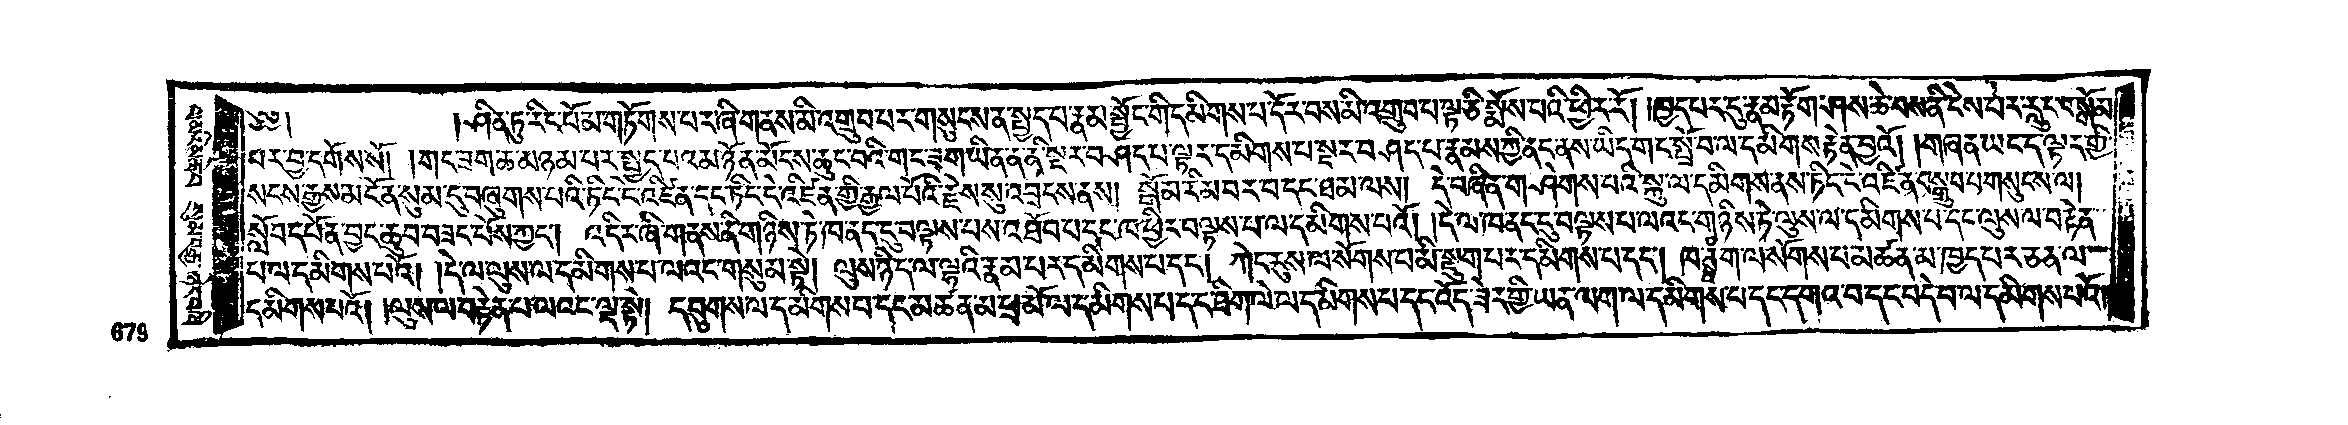༄༅། །ཤིན་ཏུ་རིང་པོ་མ་གཏོགས་པར་ཞི་གནས་མི་འགྲུབ་པར་གསུངས་ན་སྤྱད་པ་རྣམ་སྦྱོང་གི་དམིགས་པ་དོར་བས་མི་འགྲུབ་པ་ལྟ་ཅི་སྨོས་པའི་ཕྱིར་རོ། །ཁྱད་པར་དུ་རྣམ་རྟོག་ཤས་ཆེ་བས་ནི་ངེས་པར་རླུང་བསྒོམ་
པར་བྱ་དགོས་སོ། །གང་ཟག་ཆ་མཉམ་པར་སྤྱད་པའམ་ཉོན་མོངས་ཆུང་བའི་གང་ཟག་ཡིན་ན་ནི་སྔར་བཤད་པ་ལྟར་དམིགས་པ་སྔར་བཤད་པ་རྣམས་ཀྱི་ནང་ནས་ཡིད་གང་སྤྲོ་བ་ལ་དམིགས་རྟེན་བྱའོ། །གཞན་ཡང་ད་ལྟར་གྱི་
སངས་རྒྱས་མངོན་སུམ་དུ་བཞུགས་པའི་ཏིང་ངེ་འཛིན་དང་ཏིང་ངེ་འཛིན་གྱི་རྒྱལ་པོའི་རྗེས་སུ་འབྲངས་ནས། སྒོམ་རིམ་བར་པ་དང་ཐ་མ་ལས། དེ་བཞིན་གཤེགས་པའི་སྐུ་ལ་དམིགས་ནས་ཏིང་ངེ་འཛིན་བསྒྲུབ་པ་གསུངས་ལ།
སློབ་དཔོན་བྱང་ཆུབ་བཟང་པོས་ཀྱང་། འདིར་ཞི་གནས་ནི་གཉིས་ཏེ་ཁ་ནང་དུ་བལྟས་པས་འཐོབ་པ་དང་ཁ་ཕྱིར་བསྟས་པ་ལ་དམིགས་པའོ། །དེ་ལ་ཁ་ནང་དུ་བལྟས་པ་ལའང་གཉིས་ཏེ་ལུས་ལ་དམིགས་པ་དང་ལུས་ལ་བརྟེན་
པ་ལ་དམིགས་པའོ། །དེ་ལ་ལུས་ལ་དམིགས་པ་ལའང་གསུམ་སྟེ། ལུས་ཉིད་ལ་ལྷའི་རྣམ་པར་དམིགས་པ་དང་། ཀེང་རུས་ལ་སོགས་པ་མི་སྡུག་པར་དམིགས་པ་དང་། ཁ་ཊྲཱཾ་ག་ལ་སོགས་པ་མཚན་མ་ཁྱད་པར་ཅན་ལ་
དམིགས་པའོ། །ལུས་ལ་བརྟེན་པ་ལའང་ལྔ་སྟེ། དབུགས་ལ་དམིགས་པ་དང་མཚན་མ་ཕྲ་མོ་ལ་དམིགས་པ་དང་ཐིག་ལེ་ལ་དམིགས་པ་དང་འོད་ཟེར་གྱི་ཡན་ལག་ལ་དམིགས་པ་དང་དགའ་བ་དང་བདེ་བ་ལ་དམིགས་པའོ། །